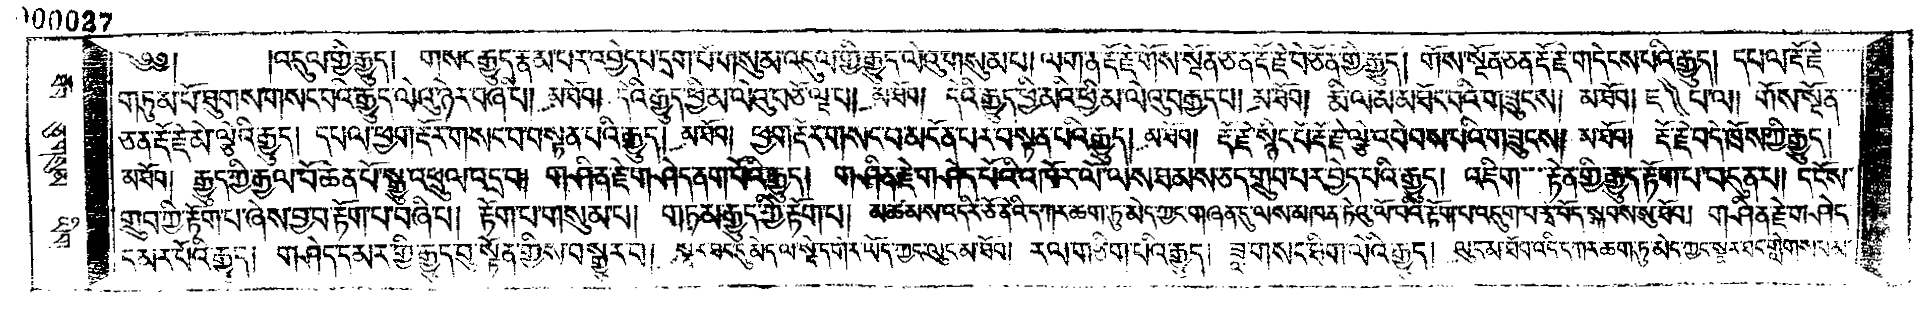༄༅། །འདུལ་གྱི་རྒྱུད། གསང་རྒྱུད་རྣམ་པར་འབྱེད་པ་དྲག་པོ་གསུམ་འདུལ་གྱི་རྒྱུད་ལེའུ་གསུམ་པ། ལག་ན་རྡོ་རྗེ་གོས་སྔོན་ཅན་རྡོ་རྗེ་བེ་ཅན་གྱི་རྒྱུད། གོས་སྔོན་ཅན་རྡོ་རྗེ་གདེངས་པའི་རྒྱུད། དཔལ་རྡོ་རྗེ་
གཏུམ་པོ་ཐུགས་གསང་བའི་རྒྱུད་ལེའུ་ཉེར་བཞི་པ། མ་ཐོབ།  དེའི་རྒྱུད་ཕྱི་མ་ལེའུ་བཅོ་ལྔ་པ། མ་ཐོབ།  དེའི་རྒྱུད་ཕྱི་མའི་ཕྱི་མ་ལེའུ་བརྒྱད་པ། མ་ཐོབ།  རྨི་ལམ་མཐོང་བའི་གཟུངས། མ་ཐོབ། ཇ༼༽ པ་ལ། གོས་སྔོན་
ཅན་རྡོ་རྗེ་མེ་ལྕེའི་རྒྱུད། དཔལ་ཕྱག་རྡོར་གསང་བ་བསྟན་པའི་རྒྱུད། མ་ཐོབ།  ཕྱག་རྡོར་གསང་བ་མངོན་པར་བསྟན་པའི་རྒྱུད་མ་ཐོབ།  རྡོ་རྗེ་སྙིང་པོ་རྡོ་རྗེ་ལྕེ་འབེབས་པའི་གཟུངས། མ་ཐོབ།  རྡོ་རྗེ་བདེ་ཁྲོས་ཀྱི་རྒྱུད།
མ་ཐོབ།  རྒྱུད་ཀྱི་རྒྱལ་བོ་ཆེན་པོ་སྒྱུ་འཕྲུལ་འདྲ་བ། གཤིན་རྗེ་གཤེད་ནག་པོའི་རྒྱུད། གཤིན་རྗེ་གཤེད་པོའི་འཁོར་ལོ་ལས་ཐམས་ཅད་གྲུབ་པར་བྱེད་པའི་རྒྱུད། འཇིག་རྟེན་གྱི་རྒྱུད་རྟོག་པ་བདུན་པ། དངོས་
གྲུབ་ཀྱི་རྟོག་པ་ཞེས་བྱ་བ་རྟོག་པ་བཞི་པ། རྟོག་པ་གསུམ་པ། གཏམ་རྒྱུད་ཀྱི་རྟོག་པ། མཚམས་འདིར་ཅོ་ནེའི་དཀར་ཆག་ཏུ་མེད་ཀྱང་གཞན་དུ་ལས་མཁན་ཏེའུ་ལོ་བའི་རྟོག་པ་འདུག་པ་རྭ་བོད་སྐབས་སུ་ཐོབ།  གཤིན་རྗེ་གཤེད་
དམར་པོའི་རྒྱུད། གཤེད་དམར་གྱི་རྒྱུད་བུ་སྟོན་གྱིས་བསྒྱུར་བ། སྣར་ཐང་དུ་མེད་ལ་སྡེ་དགེར་ཡོད་ཀྱང་ལུང་མ་ཐོབ།  རལ་གཅིག་པའི་རྒྱུད། ཟླ་གསང་ཐིག་ལེའི་རྒྱུད། ལུང་མ་ཐོབ་འདི་དཀར་ཆག་ཏུ་མེད་ཀྱང་སྣར་ཐང་གླེགས་བམ་